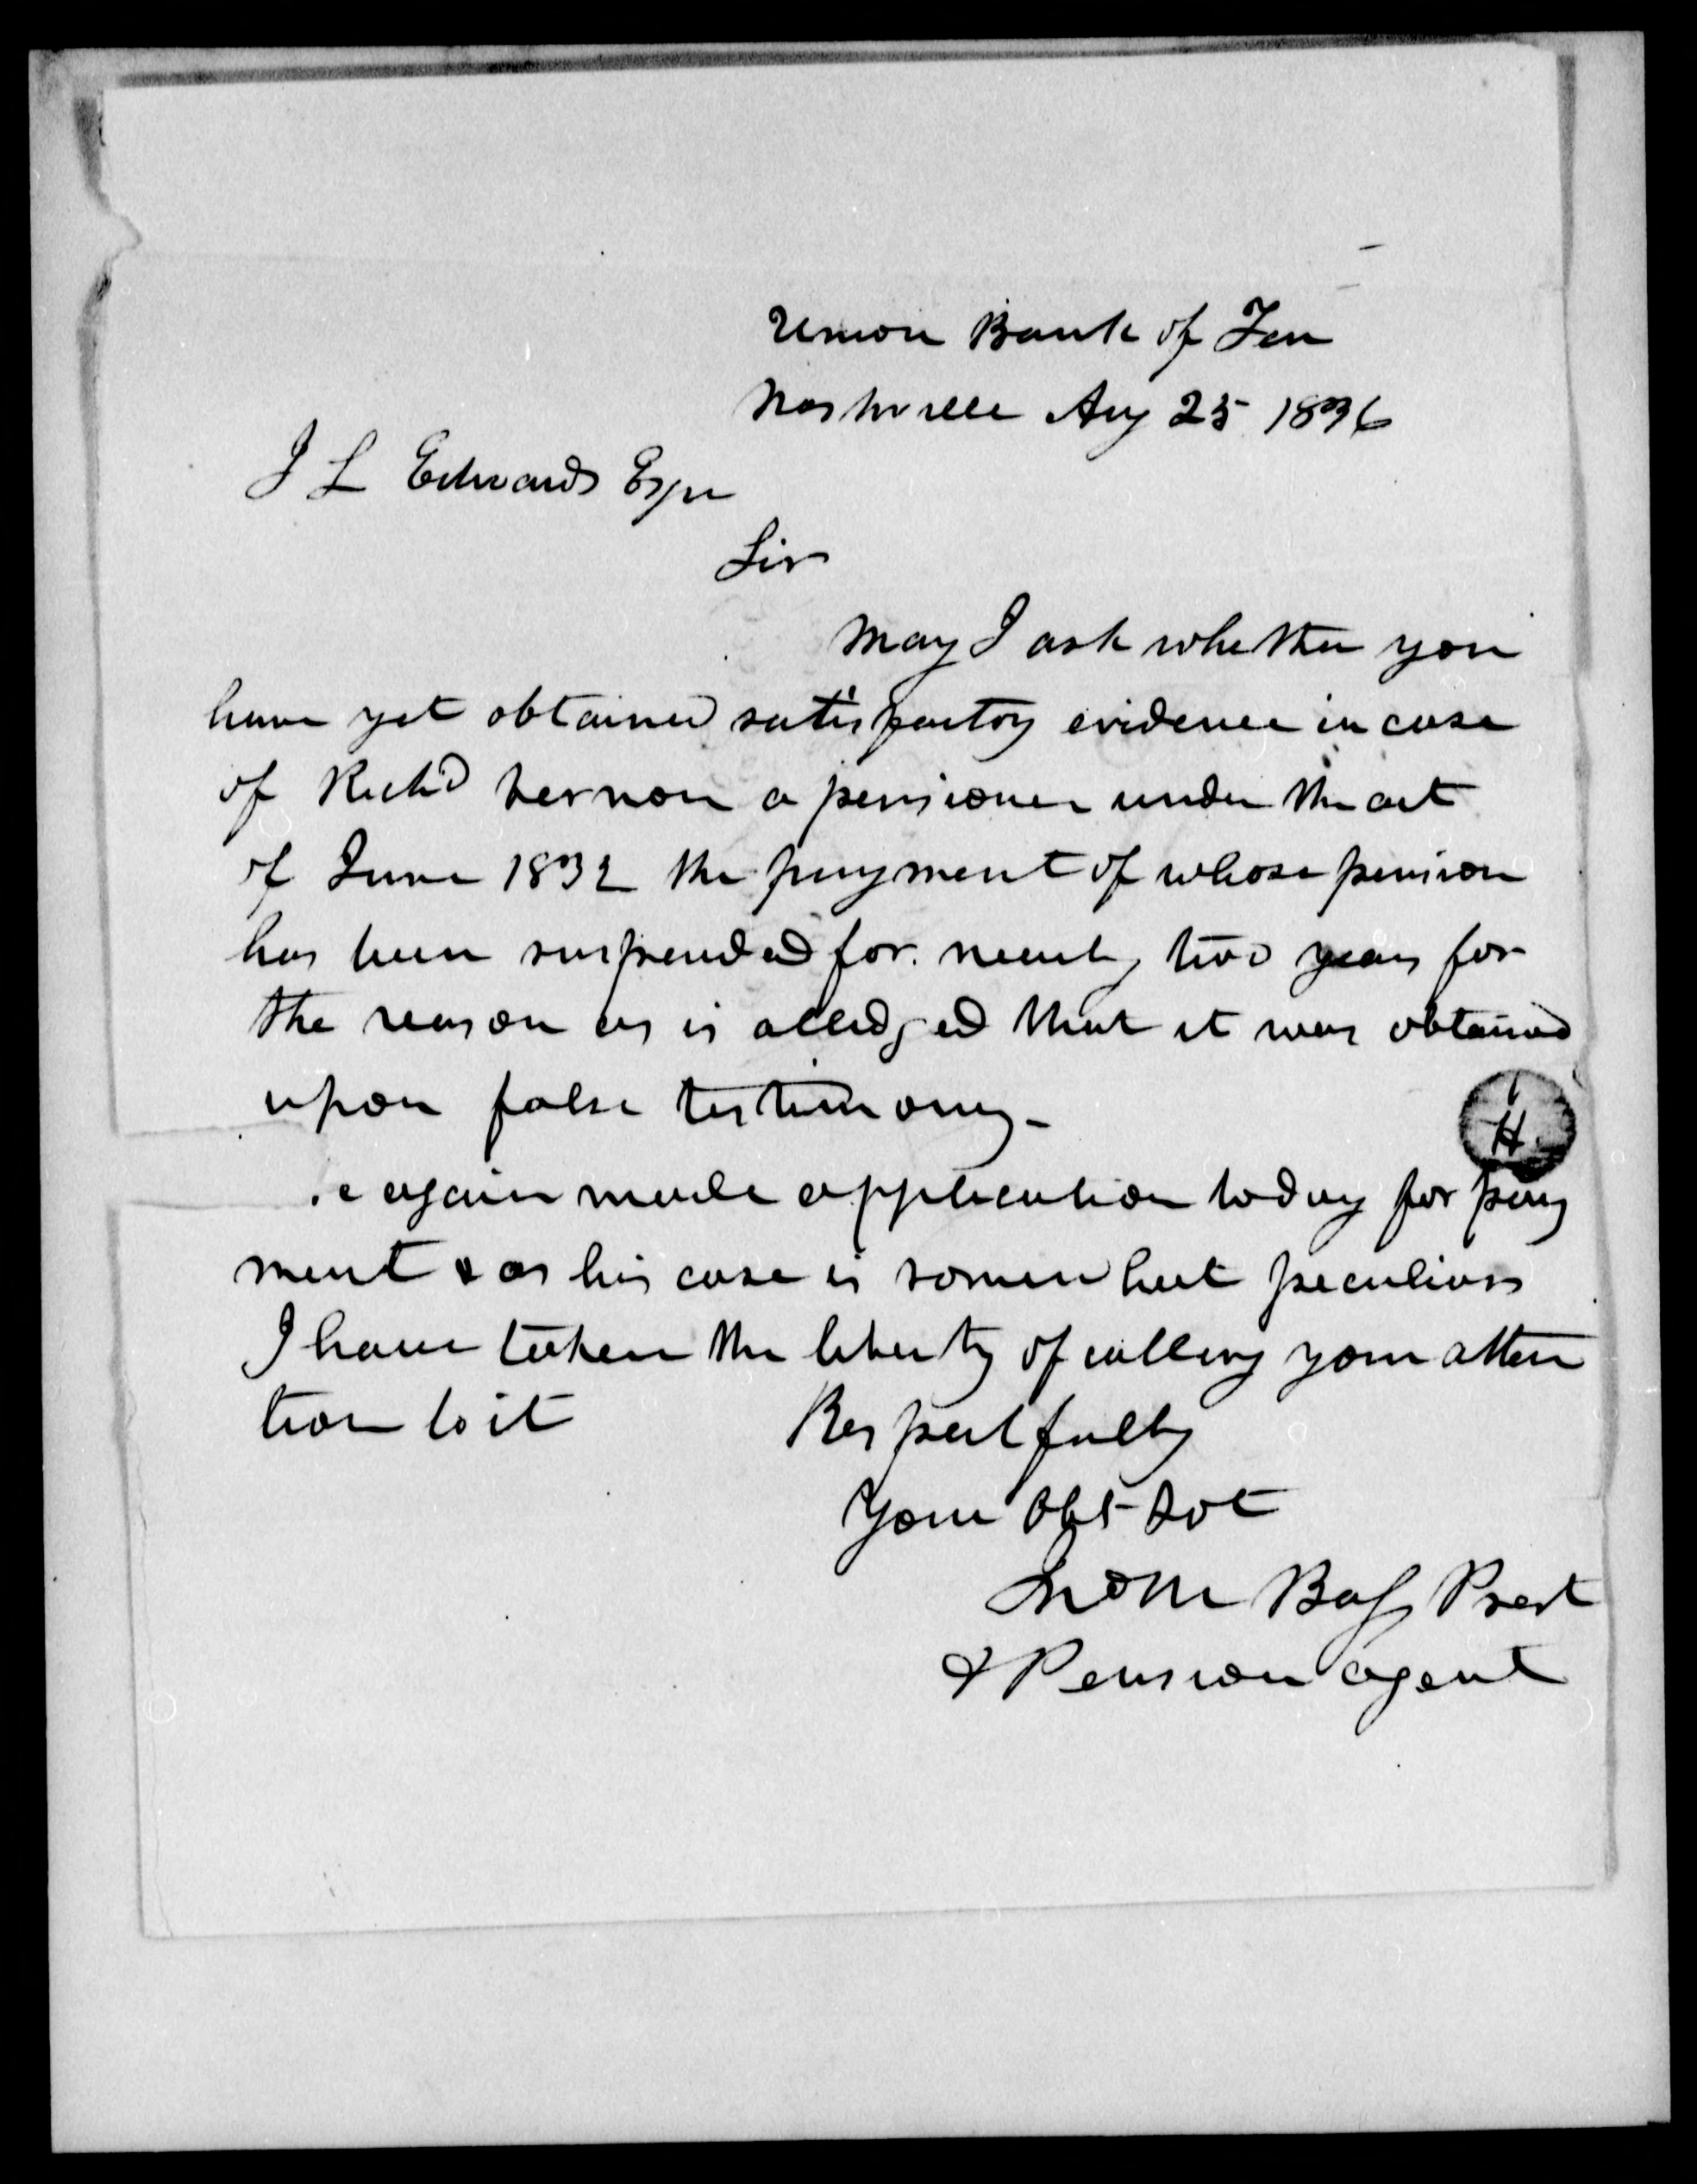Union Bank of Ten
Nashville Aug 25 1836

J L Edwards Esqr

Sir
May I ask whether you have yet obtained satisfactory evidence in case of Richard Vernon a pensioner under the act of June 1832 the payment of whose pension has been suspended for nearly two years for the reason as is alleged that it was obtained upon false testimony.
He again made application today for payment & as his case is somewhat peculiar I have taken the liberty of calling your attention to it.

Respectfully
Your Obt Svt
Jn. M Bass, Prest & Pension agent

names: Richd Vernon, J L Edwards, Jno M Boss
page: 67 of 105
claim: survivor's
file: S. 1883, Richard Vernon, N.C.